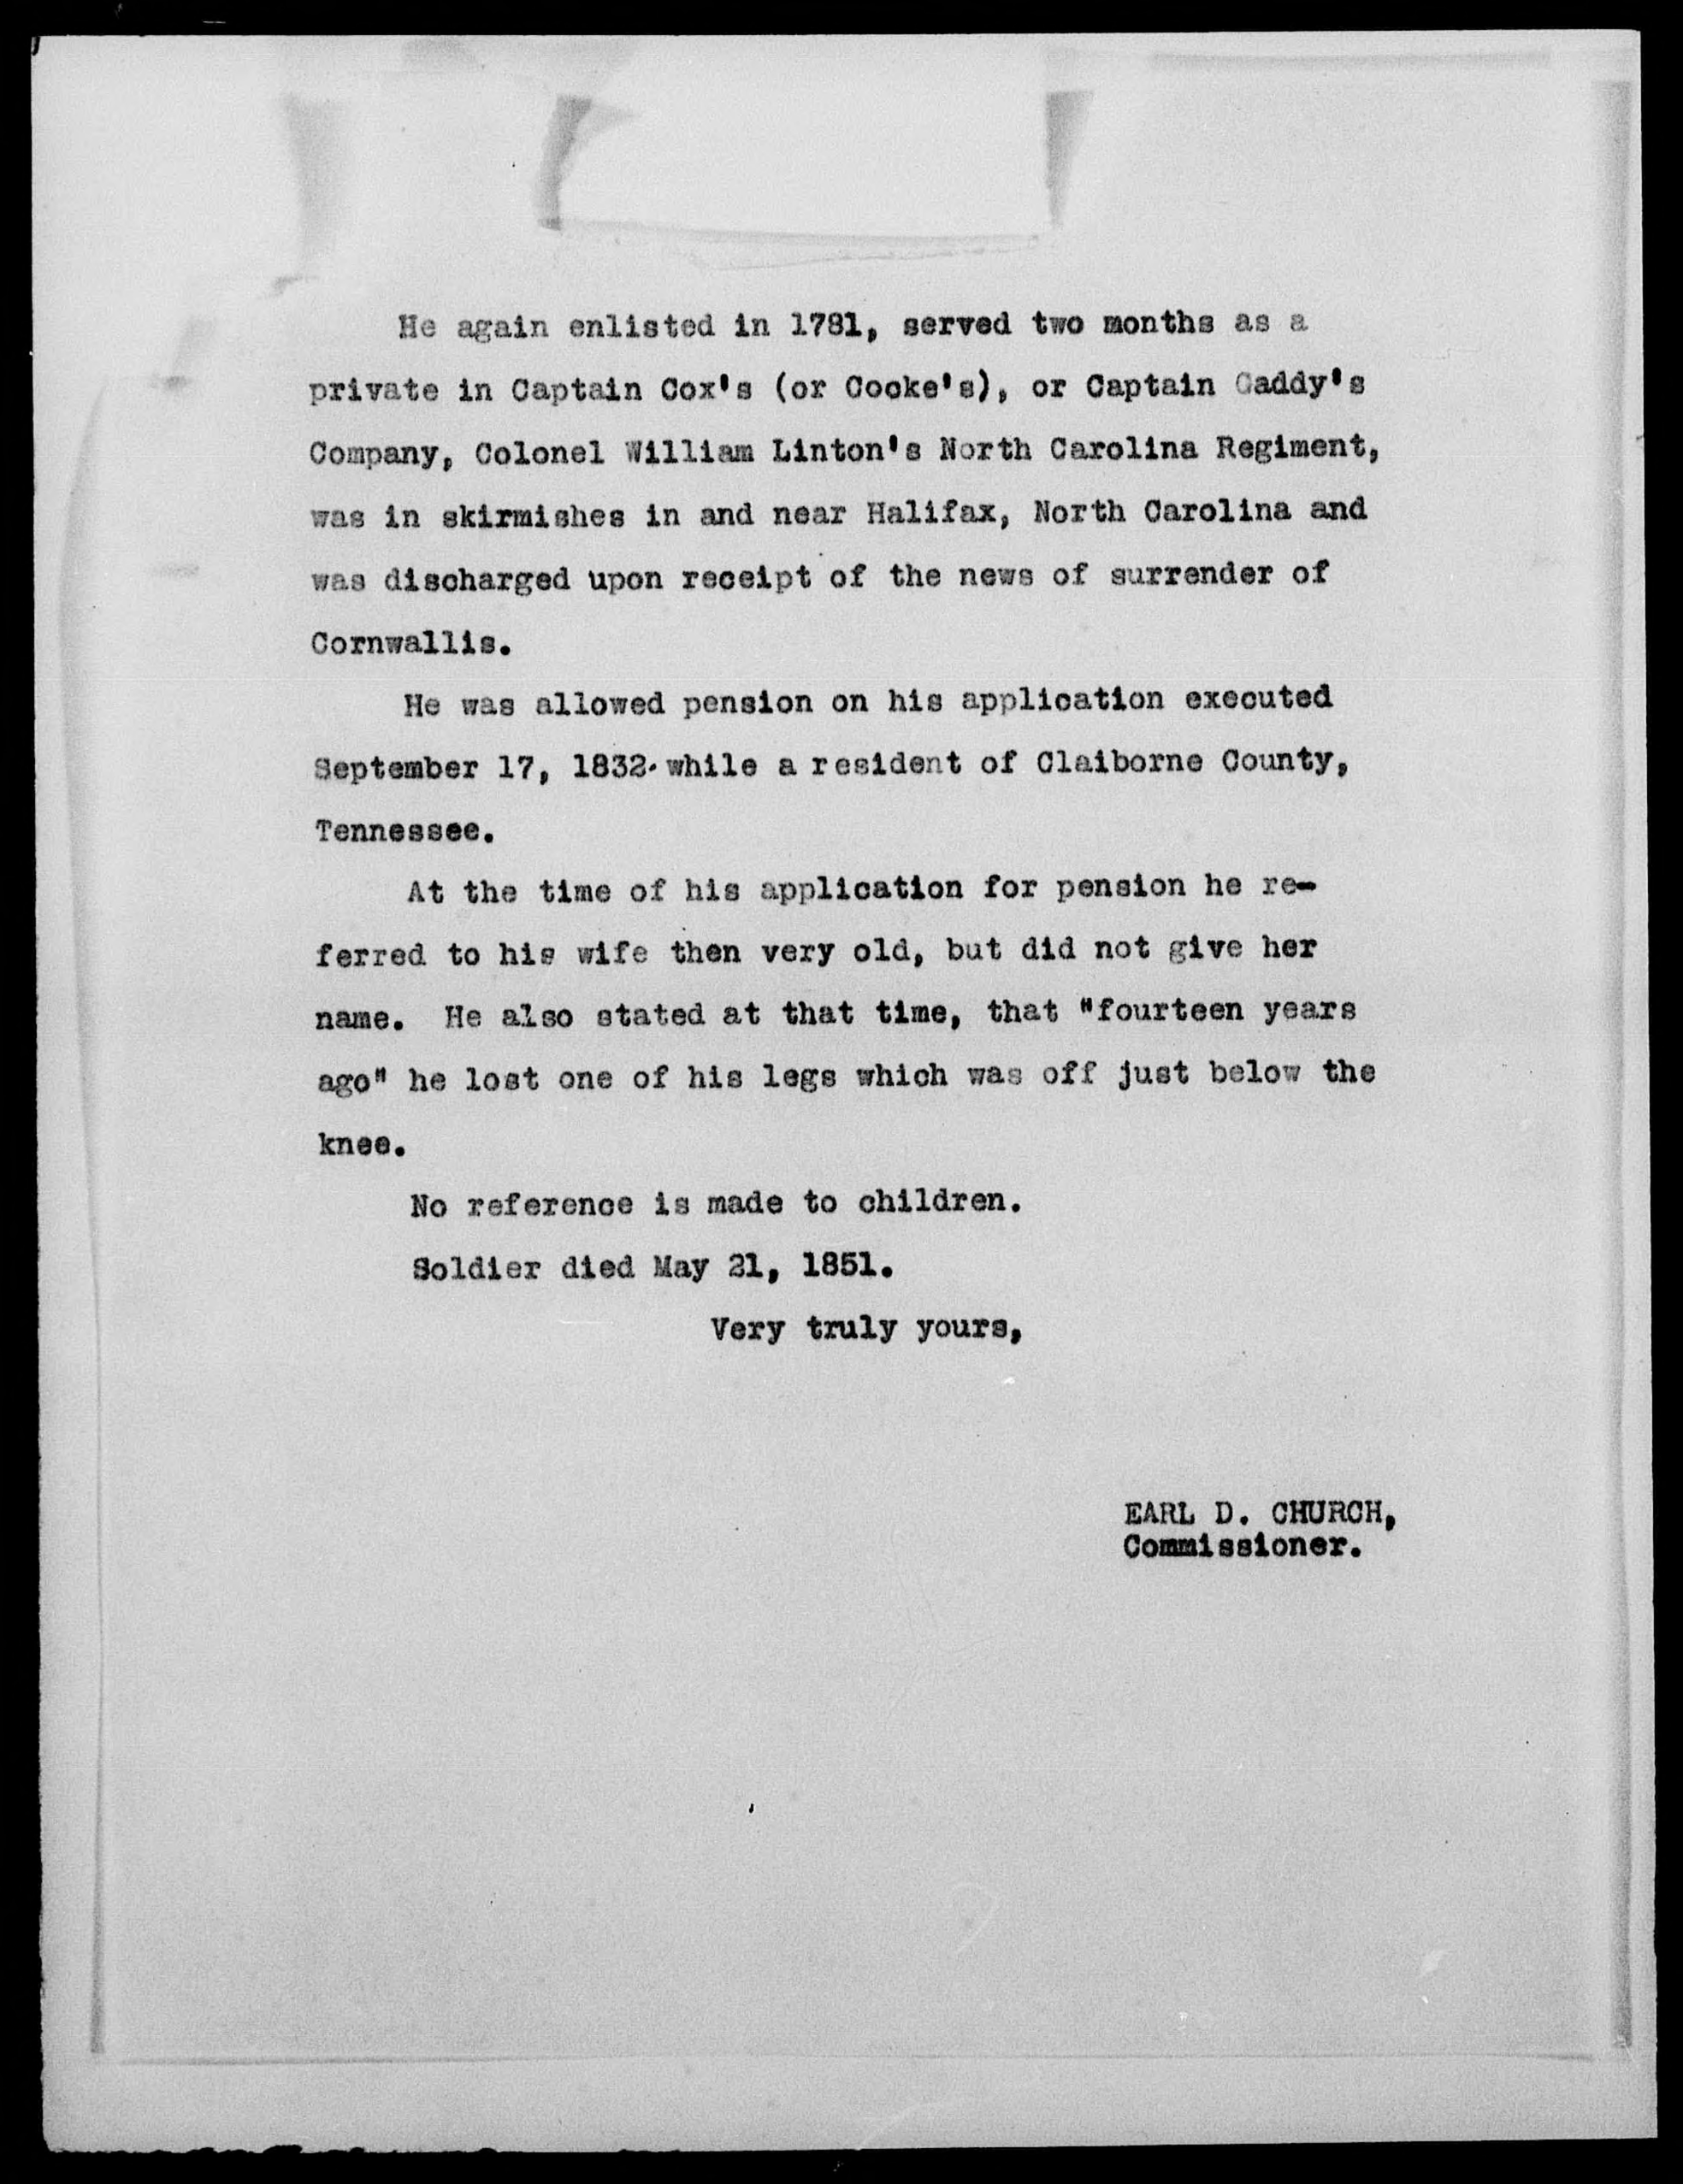He again enlisted in 1781, served two months as a private in Captain Cox's (or Cooke's) or Captain Caddy's Company, Colonel William Linton's North Carolina Regiment, was in skirmishes in and near Halifax, North Carolina and was discharged upon receipt of the news of surrender of Cornwallis.
He was allowed pension on his application executed September 17, 1832 while a resident of Claiborne County, Tennessee.
At the time of his application for pension he referred to his wife then very old, but did not give her name. He also stated at that time, that "fourteen years ago" he lost one of his legs which was off just below the knee.
No reference is made to children.
Soldier died May 21, 1851.
Very truly yours,

EARL D. CHURCH,
Commissioner.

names: Cornwallis, Earl D Church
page: 12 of 81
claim: survivor's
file: S. 1908, Richard Harper, N.C.